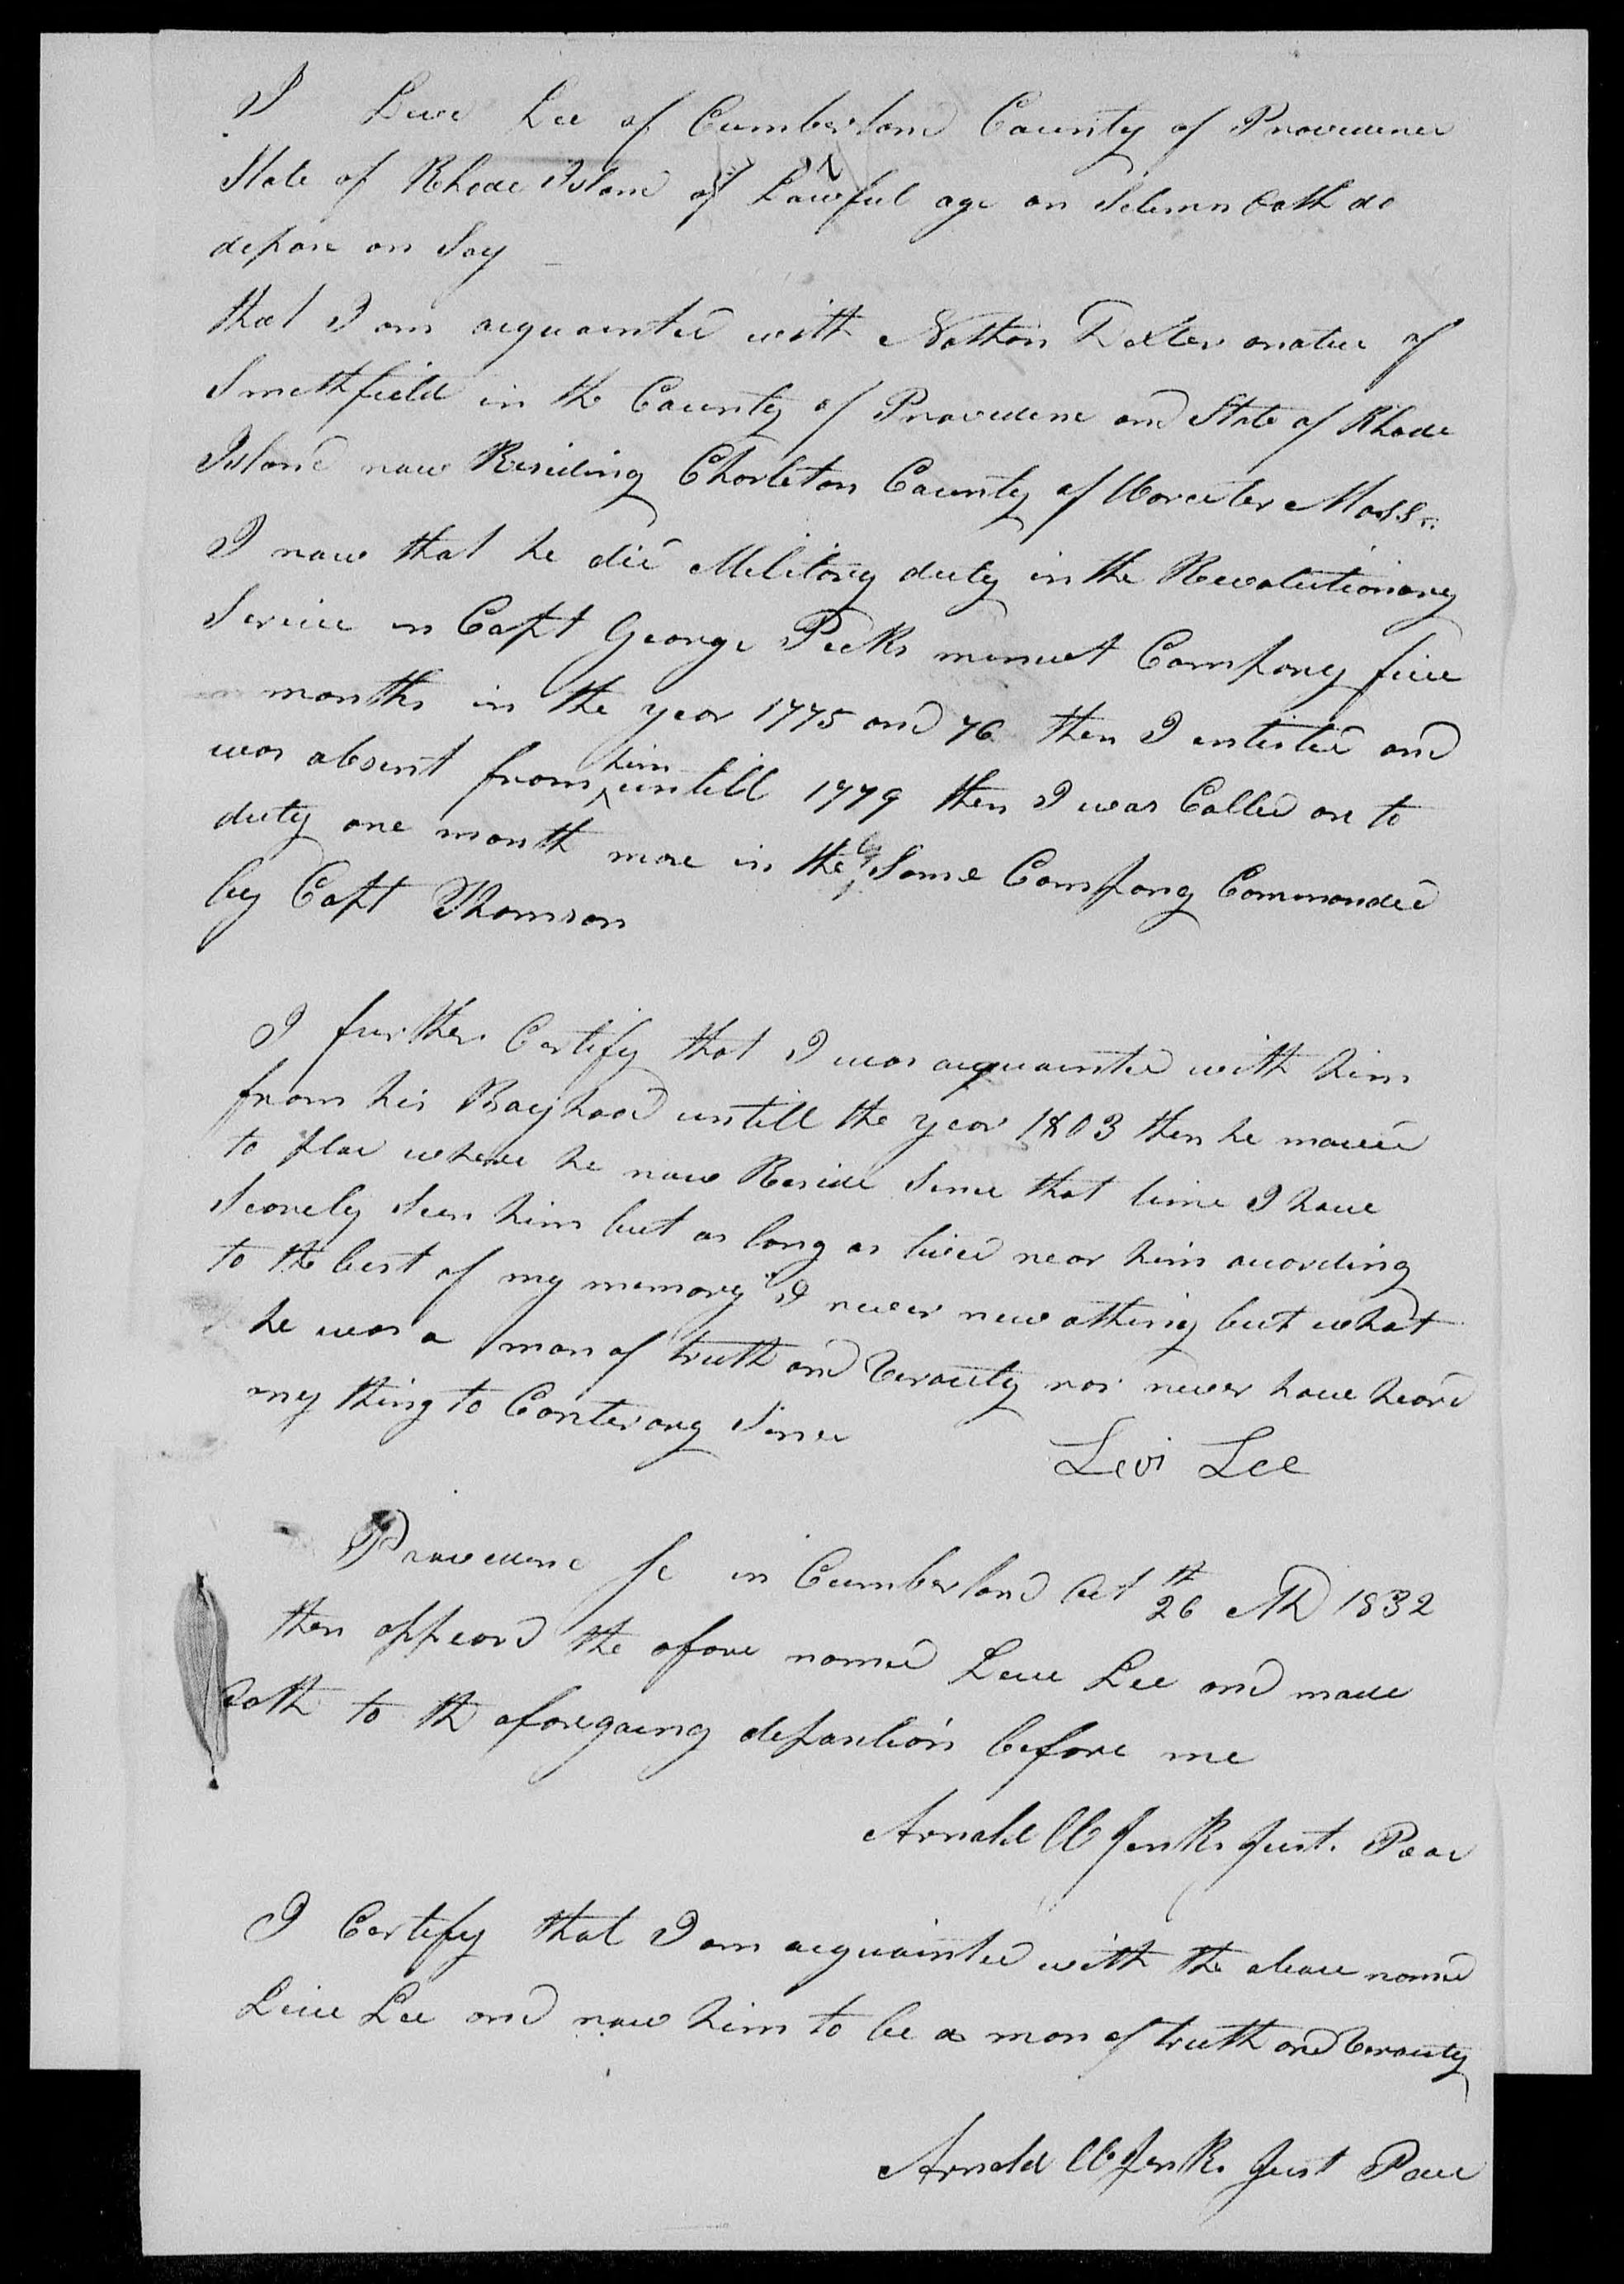I Levi Lee of Cumberland County of Providence State of Rhode Island of Lawful age on Solemn Oath do depose an say. that I am acquainted with Nathan Dexter native of Smithfield in the County of Providence and State of Rhode Island now Residing Charleton County of Worcester Mass. I now [know] that he did Military duty in the Revolutionary Service in Capt. George Pecks minuet [minute] Company five months in the year 1775 and 76 then I enlisted and was absent from him untill 1779 then I was called on to duty one month more in the Same Company Commanded by Capt. Thomson. 

I further Certify that I was acquainted with him from his Boyhood untill the year 1803 then he moved to place where he now Reside Since that time I have Scarcely seen him but as long as lived near him according to the best of my memory I never new [knew] a thing but what he was a man of truth and veracity nor never have heard anything to Contrary since. Levi Lee

Providence Sc in Cumberland Oct 26th AD 1832 then appeared the afore named Levi Lee and made oath to the aforegoing deposition before me Arnold W. Jenks Just. Peace

I Certify that I am acquainted with the above named Levi Lee and now [know) him to be a man of truth and veracity. Arnold W. Jenks Just. Peace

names: Levi Lee, Levi Lee, Thomson, Arnold W Jenks, Nathan Dexter, Levi Lee, George Pecks, Arnold W Jenks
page: 32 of 35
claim: survivor's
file: S. 18374, Nathan Dexter, R.I.